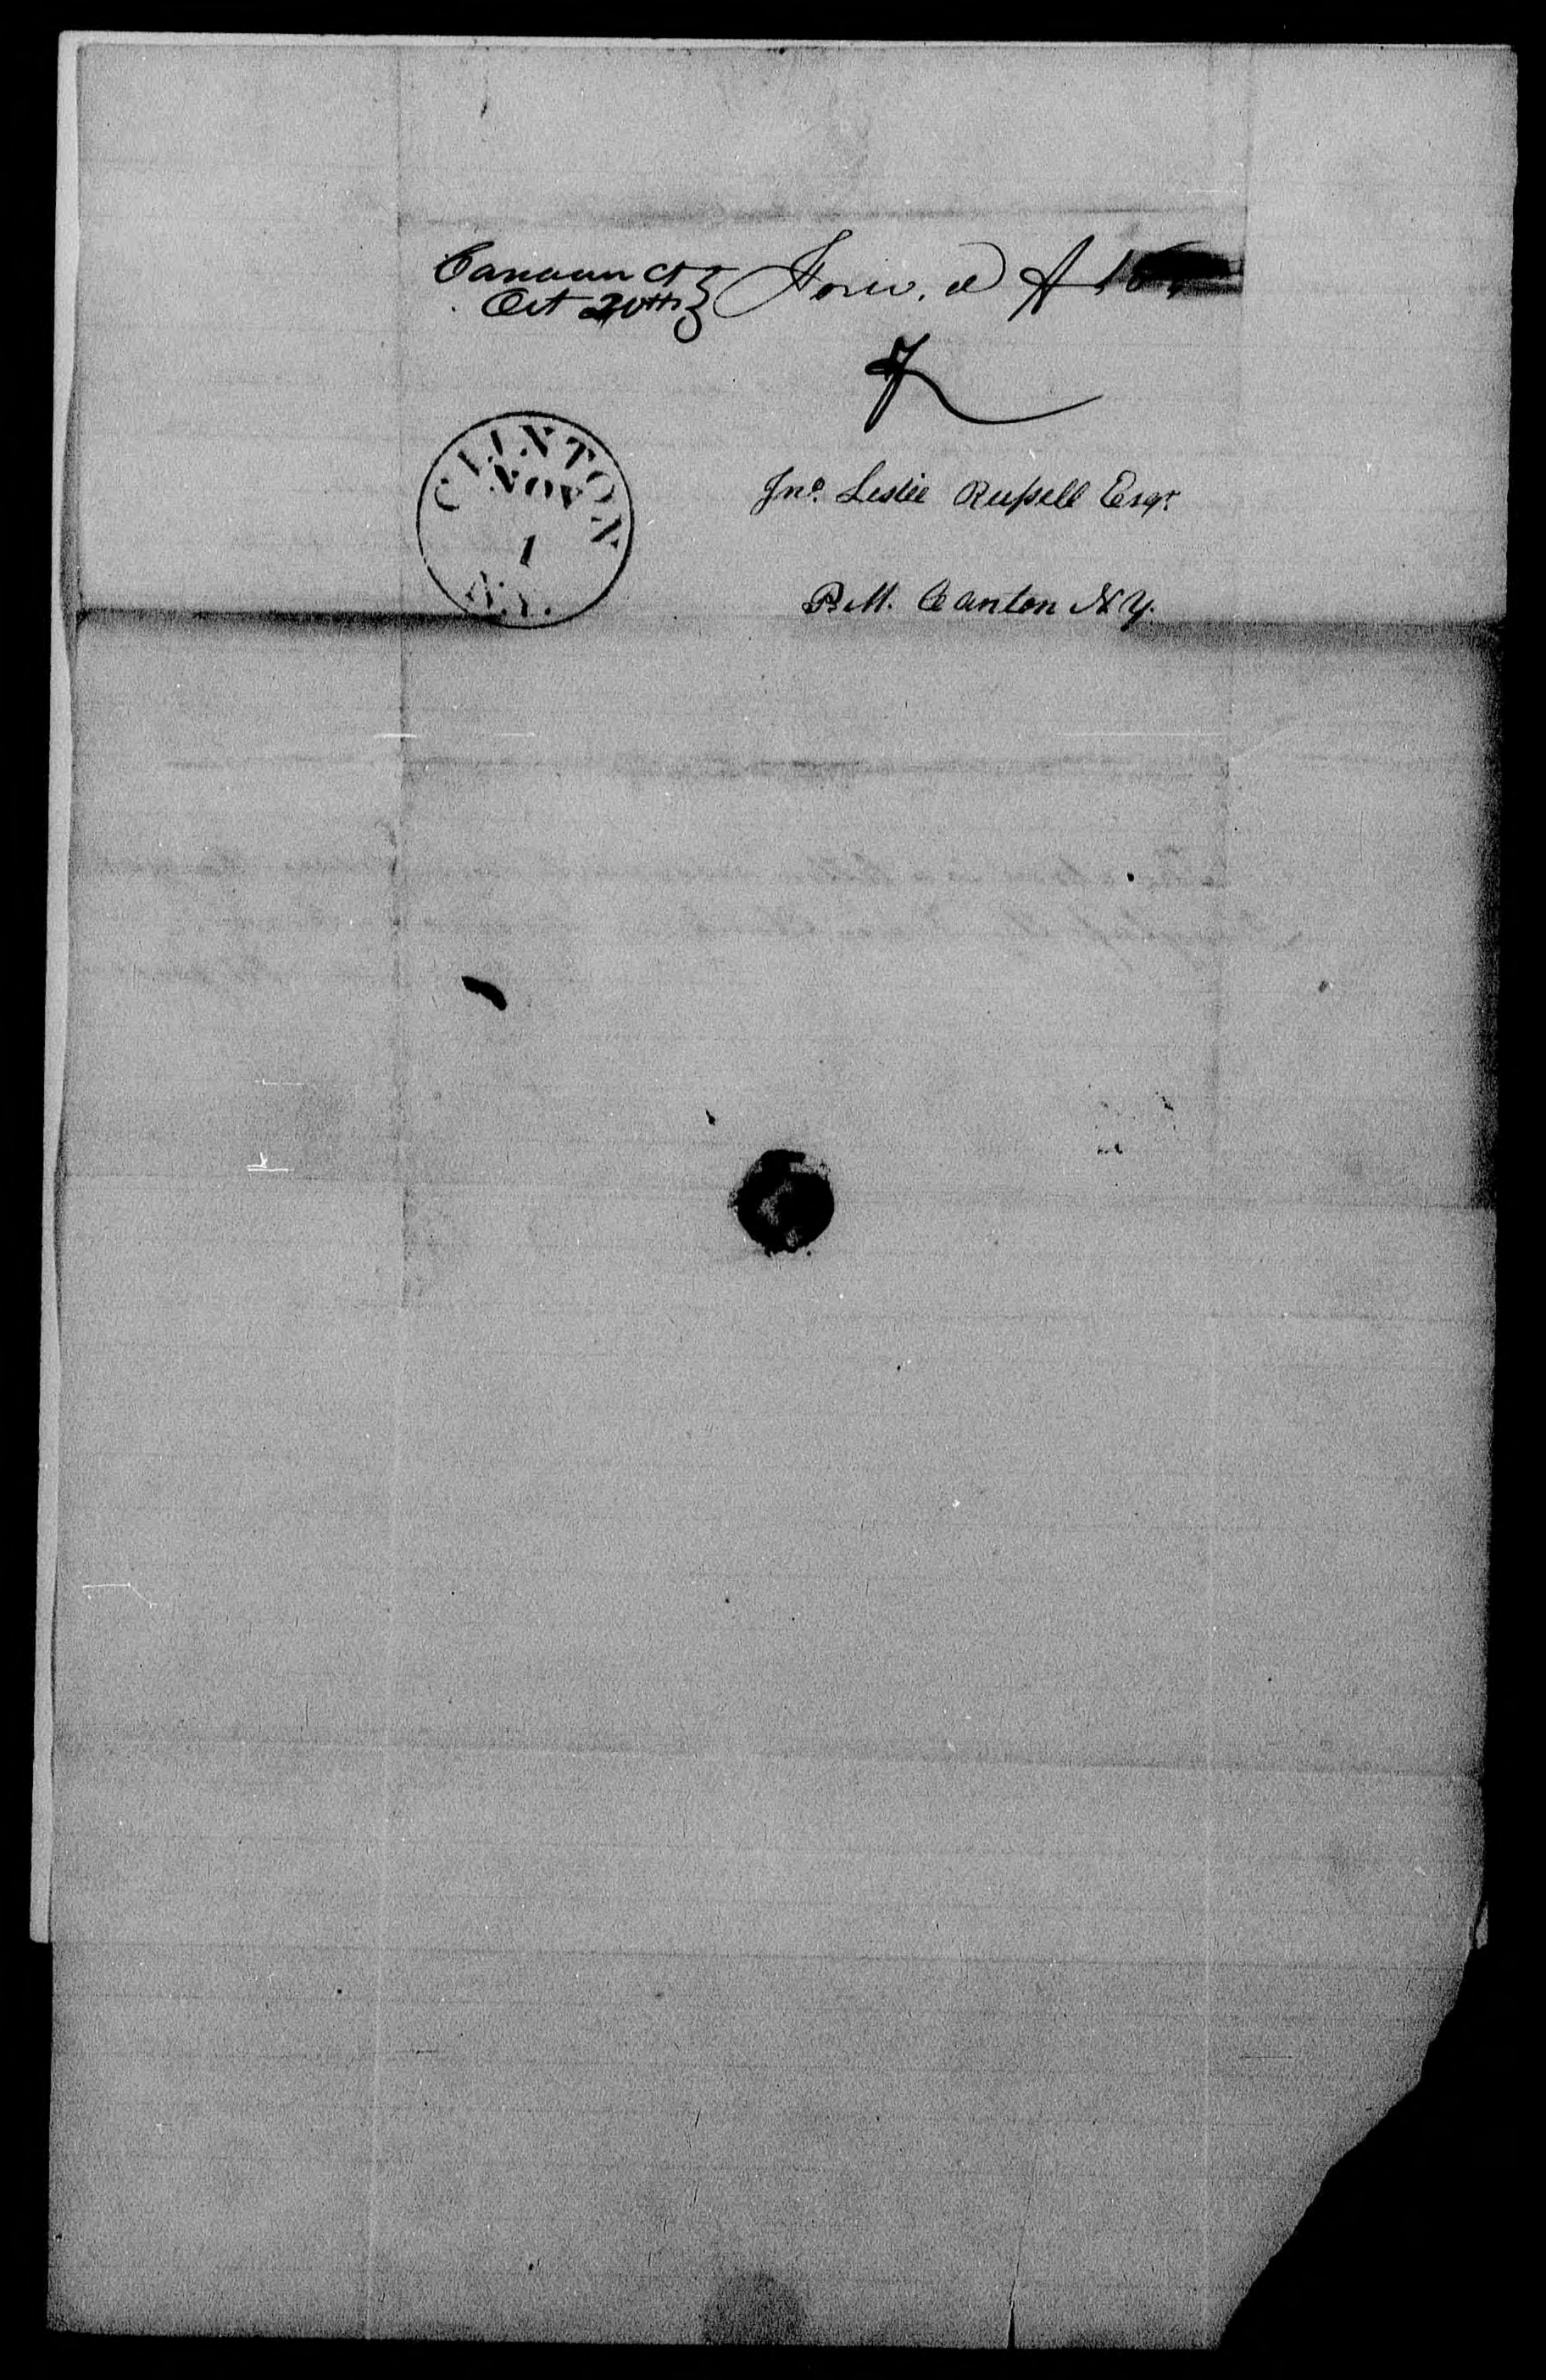Cannan Ct}
Oct 20th

(illegible)

Jno. Leslie Russell Esq
Bell Canton N.Y.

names: Jno Leslie Russell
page: 47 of 79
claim: widow's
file: W. 23754, Justus Byington, Conn.